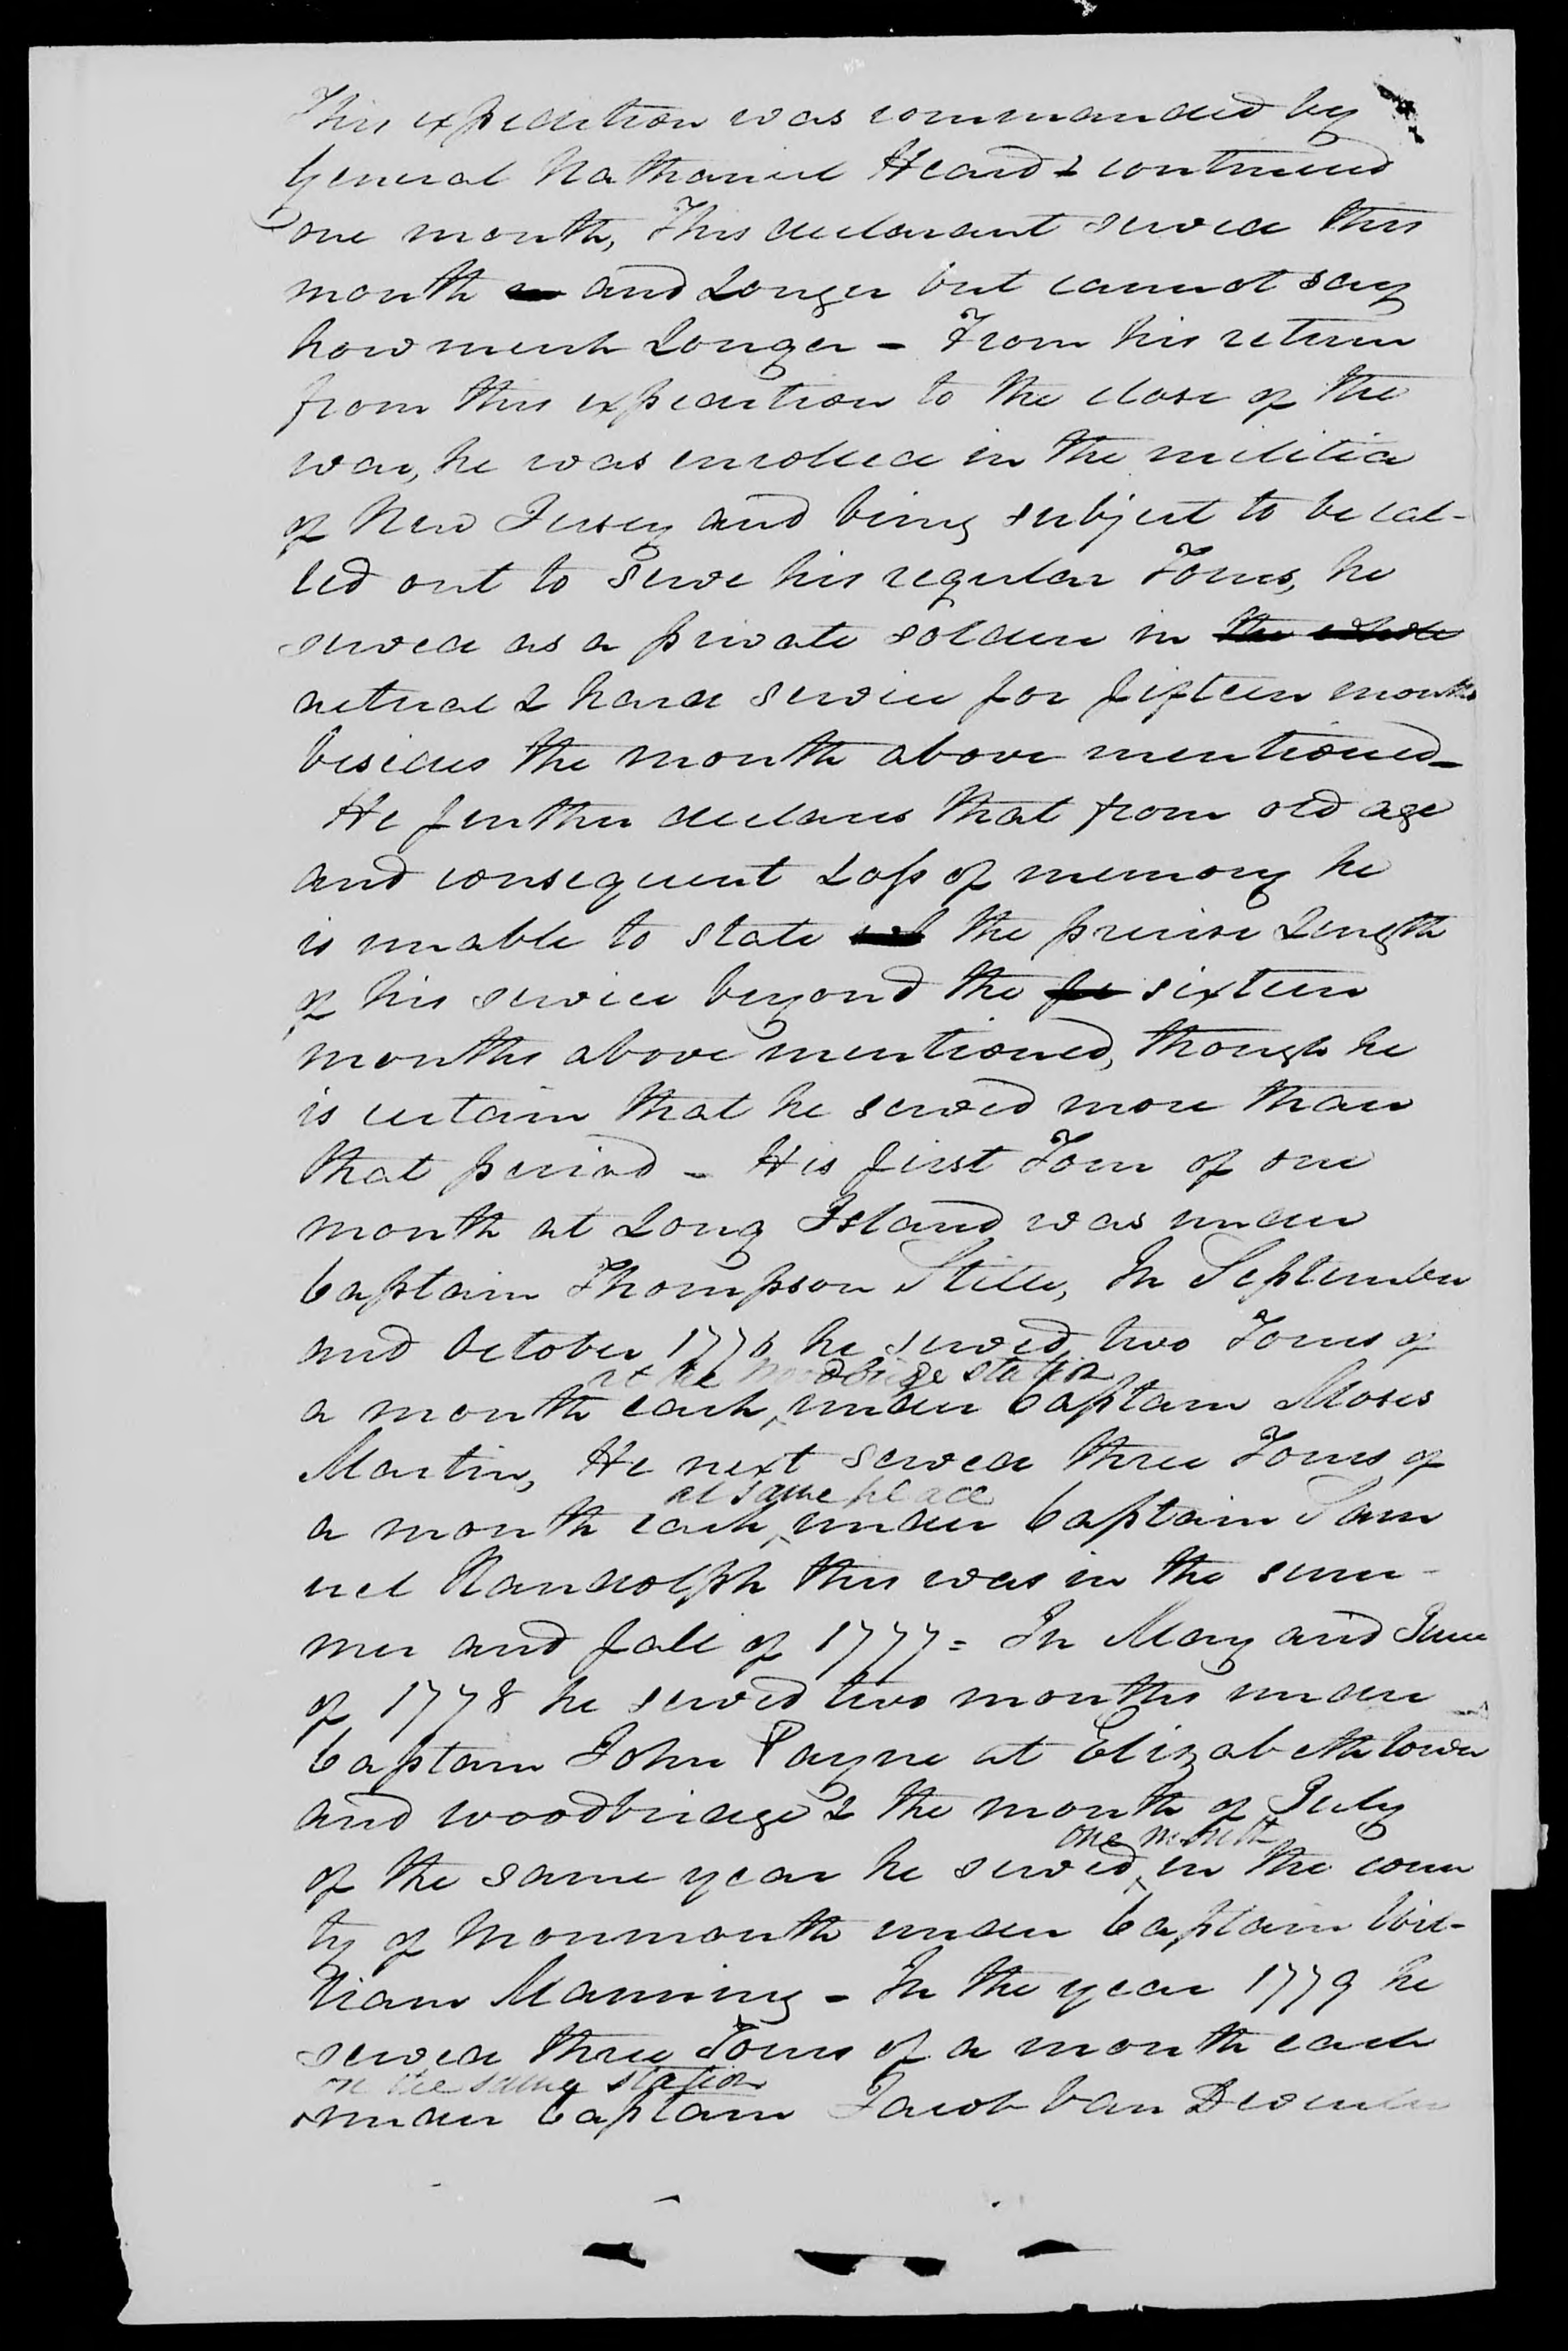This expedition was commanded by General Nathaniel Heard & continued one month. This declarant served this month and longer but cannot say how much longer. From his return from this expedition to the close of the war, he was involved in the militia of New Jersey and being subject to be called out to serve his regular Tours, he served as a private soldier in [two words crossed out] actual & hard service for fifteen months besides the month above mentioned.
He further declares that from old age and consequent loss of memory he is unable to state the precise length of his service beyond the sixteen months above mentioned, though he is certain that he served more than that period. His first Tour of one month at Long Island was under Captain Thompson Stiles, in September and October 1776 he served two Tours of a month each at the New Bridge station under Captain Moses Martin. He next served three Tours of a month each at same place under Captain Samuel Randolph this was in the summer and fall of 1777. In May and June of 1778 he served two months under Captain John Payne at Elizabethtown and Woodbridge & the month of July of the same year he served one month in the county of Monmouth under Captain William Manning. In the year 1779 he served three Tours of a month each on the same station under Captain Jacob Van Deventer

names: Moses Martin, Nathaniel Heard, John Payne, Mary, William Manning, Thompson Stiles, Jacob Van Deventer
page: 8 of 52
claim: widow's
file: W. 919, Joel Dunn, New Jersey